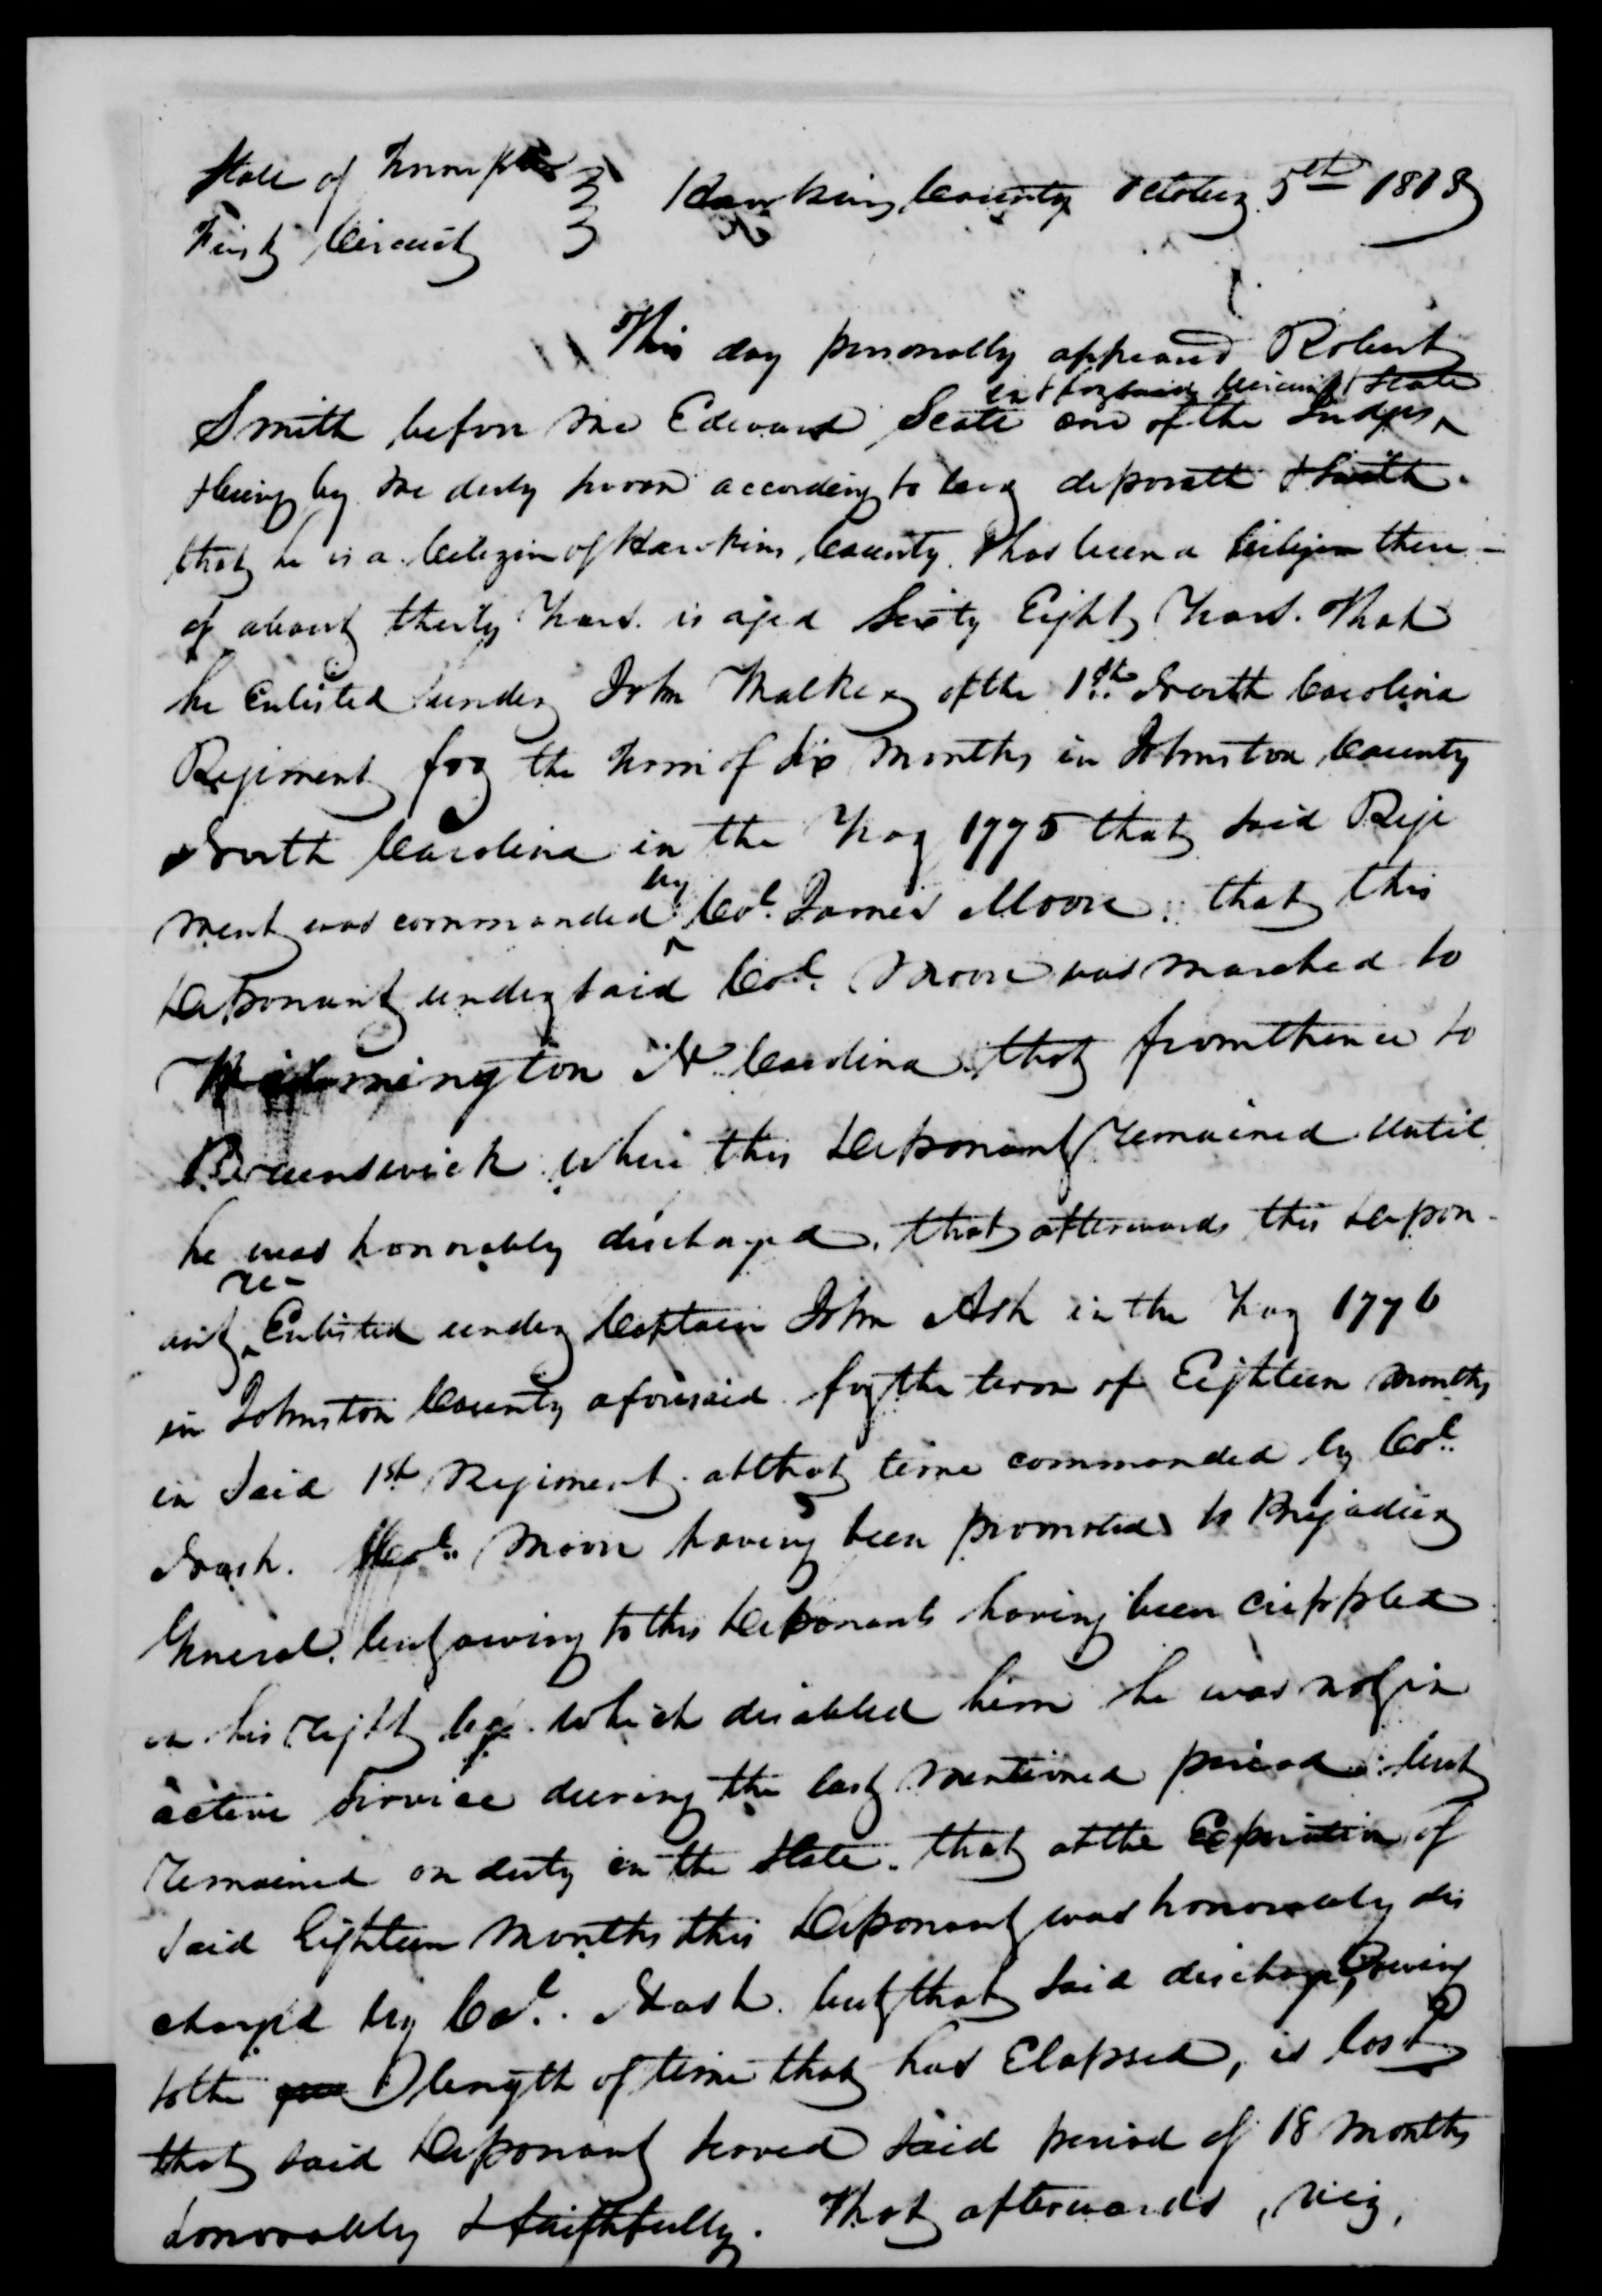State of Tennessee First Circuit: Hawkins County October 5th 1818
This day personally appeared Robert Smith before me Edward Scott one of the judges for said Circuit & State & being by me duly sworn according to law deposeth & saith that he is a
Citizen of Hawkins County & has been a Citizen there of about thirty years is aged sixty-eight years. That he enlisted under John Walker of the first North Carolina Regiment for the term of six months in Johnston County North Carolina in the year 1775 that said Regiment was
commanded by Colonel James Moore, that this Deponent under said Colonel Moore was marched to Wilmington North Carolina, that from thence to Brunswick where this Deponent remained until he was honorably discharged. That afterwards this deponent reenlisted under Captain John Ash [John Ashe, Jr] in the year 1776 in Johnston County aforesaid for the term of
18 months in said first Regiment at that time commanded by Colonel Nash [Francis Nash], Colonel Moore having been promoted to Brigadier General but owing to the Deponent having been crippled in his right leg which disabled him he was not in active Service during the last
mentioned period but remained on duty in the State, that at the expiration of said eighteen months this Deponent was honorably discharged by Colonel Nash, but that said discharge having with the length of time that has elapsed, is lost that said Deponent served said period of
18 months honorably & faithfully that afterwards, viz.,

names: John Walker; [BLANK] Moore; [BLANK] Nash; [BLANK] Nash; John Ash; Edward Scott; Robert Smith; James Moore; [BLANK] Moore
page: 25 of 79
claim: widow's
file: W. 1504, for Robert Smith, North Carolina